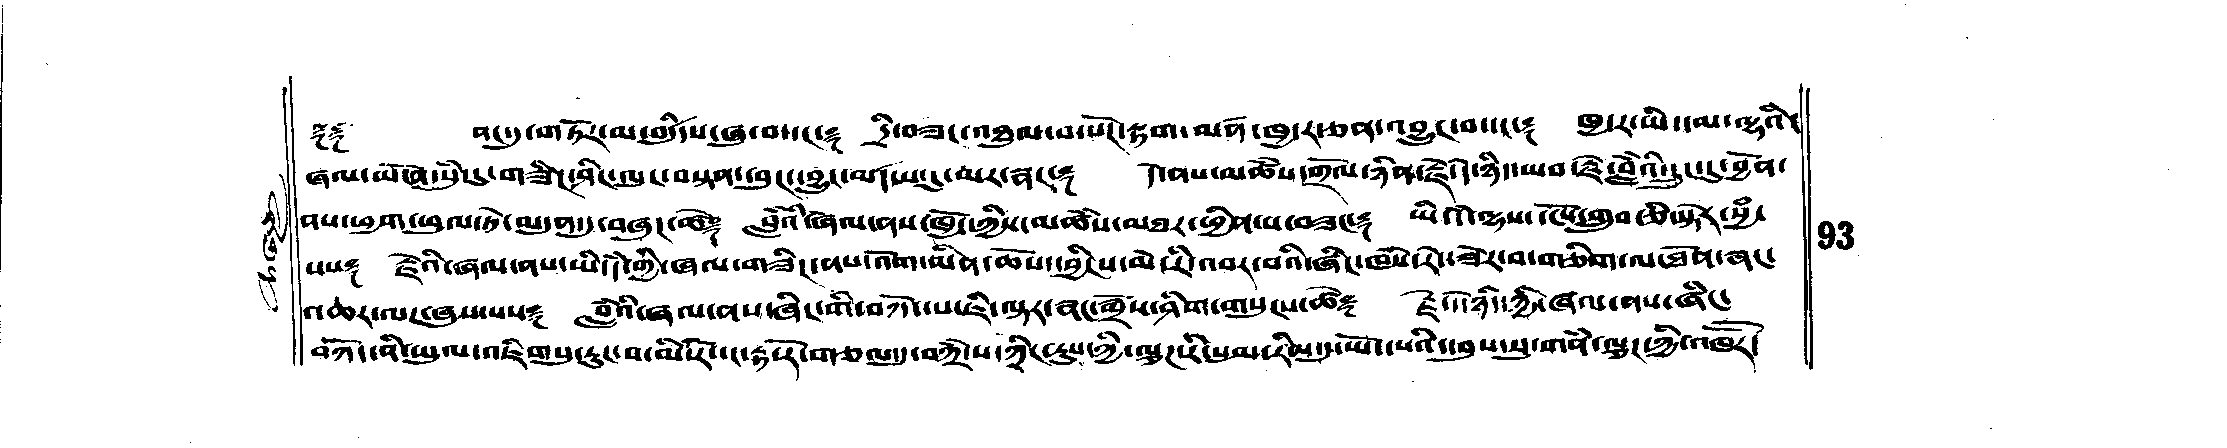ནང་དུ་གཏོར་མ་བདུད་རྩིས་ཞུ་བ་དང་། དྲི་བཟང་འཐུལ་བ་སོགས་རྟགས་མཚན་ཁྱད་པར་ཅན་འབྱུང་བ་དང་། ཁྱད་པར་ཡི་དམ་ལྷའི་
ཞལ་མངོན་སུམ་དུ་གཟིགས་ཤིང་ལུང་བསྟན་དབུགས་དབྱུང་མཛད་པ་དུ་མར་སྣང་། དེ་ནས་མཚམས་གྲོལ་ཉིན་རྗེ་དེ་ཉིད་ཡབ་རྗེ་བླ་མའི་དྲུང་དུ་བྱོན་
ནས་ཕྱག་ཕུལ་ཏེ་མདུན་དུ་བཞུགས་ཚེ། བླ་མའི་ཞལ་ནས་ཁྱོད་ཀྱིས་མཚམས་མཐར་ཕྱིན་པ་བཟང་། ཡི་དམ་ལྷས་དངོས་གྲུབ་ཅི་སྟེར་གསུངས་
པས། རྗེའི་ཞལ་ནས་ཡི་དམ་གྱི་ཞལ་གཟིགས་ནས་འོག་མིན་ཆོས་དབྱིངས་མེ་རི་འབར་བའི་ཞིང་ཁམས་རེད་ཟེར་བ་གཅིག་ལ་ཐོན་སྣང་
འཆར་ལགས་ཞུས་པས།བླ་མའི་ཞལ་ནས་ཞིང་གི་བཀོད་པ་ཇི་ལྟར་སྣང་སྨྲོས་ཤིག་གསུངས་ཚེ། རྗེ་དེ་ཉིད་ཀྱི་ཞལ་ནས་ཞིང་
བཀོད་ནི་ཡུལ་འཇིགས་སུ་རུང་བ་མི་རོ་དང་རྟ་རོ་གཅལ་དུ་བཀྲམ་པ་ཀེང་རུས་ཀྱི་ལྕགས་རི་སུམ་རིམ་དུ་ཡོད་པའི་དབུས་སུ་གནམ་ལྕགས་ཀྱི་འཁོར་ལོ་